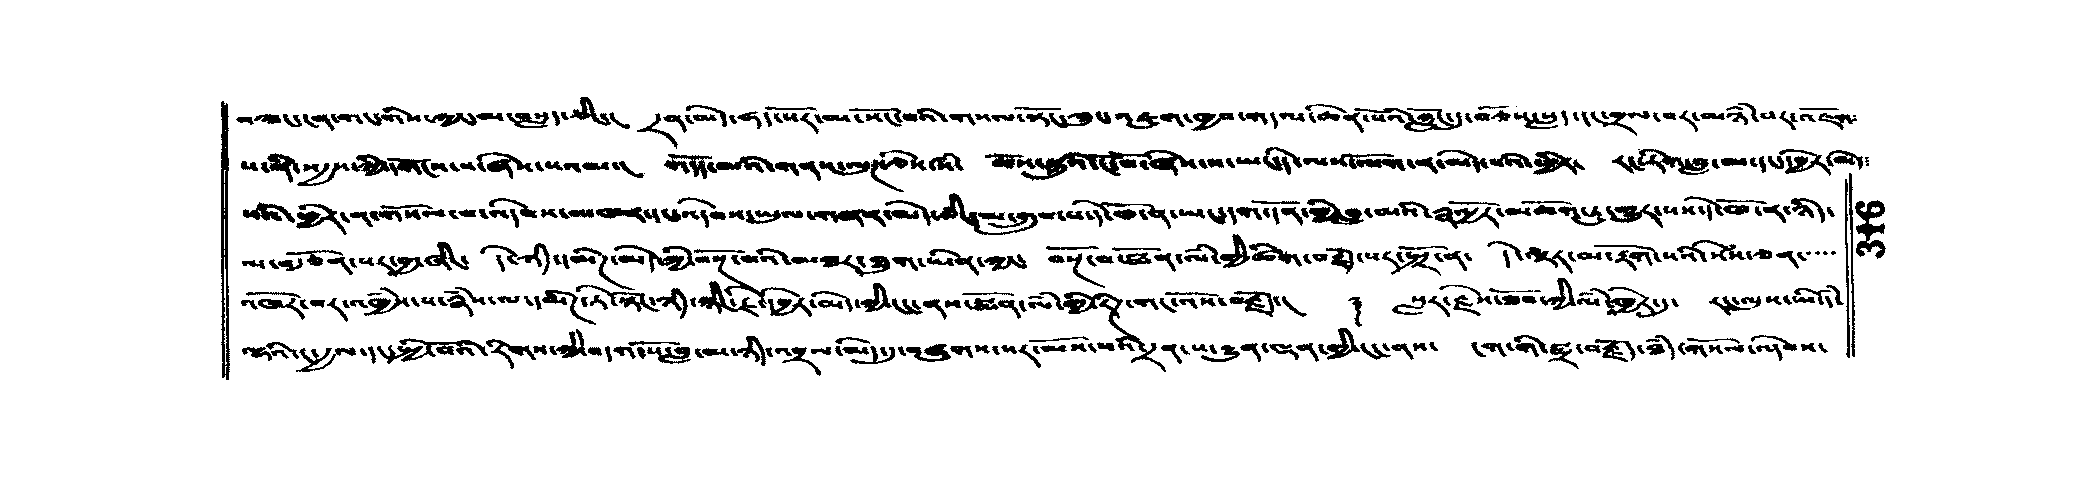བཟང་ངན་གང་གིས་ཀྱང་མ་བསླད་ཅིང། དྲན་མེད་ཧད་པོར་མ་སོང་བའི་གསལ་སྟོང་ཟུང་འཇུག་ཁྱབ་གདལ་ཆེན་པོའི་ཀློང་དུ་བཅོས་སླད་དང་བྲལ་བར་མཉམ་པར་འཇོག་
པ་ནི་སངས་རྒྱས་ཀྱི་དགོངས་པ་ཞེས་པའམ། གདོད་མའི་གནས་ལུགས་ཅེས་སམ། ཆོས་སྐུའི་ངོ་བོ་ཞེས་པ་ཡང་དེ་ལས་ལོགས་ན་མེད་པའི་ཕྱིར། རང་རིག་བླ་མ་དང་དབྱེར་མེད་
པའི་ཕྱིར་ན་གསོལ་བ་འདེབས་མཁན་དང་འདེབས་ཡུལ་གཞན་མེད་ཅིང་མ་གྲུབ་པ་དེ་ཁོ་ན་ཡང་དག་དོན་གྱི་བླ་མའི་རྣལ་འབྱོར་མཆོག་ཏུ་གྱུར་པས་དེ་ཁོ་ན་ཉིད་
ལ་བརྩོན་པར་བྱ་ཞིང་། དེ་ཉིད་དམིགས་མེད་ཀྱི་བསྔོ་བའི་མཐར་ཐུག་ཡིན་ཀྱང་། བསྔོ་བ་སྨོན་ལམ་གྱི་ཚིག་བརྗོད་པར་སྤྲོ་ན། དེ་ལྟར་མ་རྟོགས་པའི་སེམས་ཅན་
འཁོར་བར་འཁྱམས་པ་རྣམས་ལ་དམིགས་ཏེ་སྟོང་ཉིད་སྙིང་རྗེ་དབྱེར་མེད་ཀྱི་ངང་ནས་སྨོན་ལམ་གྱི་རིགས་གང་འོས་བརྗོད།༈ སླར་རྗེས་ཐོབ་ཀྱི་ལམ་འཁྱེར་དུ། རང་ལུས་ཡི་དམ་
ལྷའི་ང་རྒྱལ་དང་སྤྱི་བོའི་རིགས་ཀྱི་བདག་པོ་བླ་མ་ཉིད་འབྲལ་མེད་དུ་བཞུགས་པར་མོས་པའི་དྲན་པ་རྒྱུན་ལྡན་གྱི་ངང་ནས། ངག་གིས་སྨྲ་བརྗོད་ཐམས་ཅད་གསོལ་འདེབས